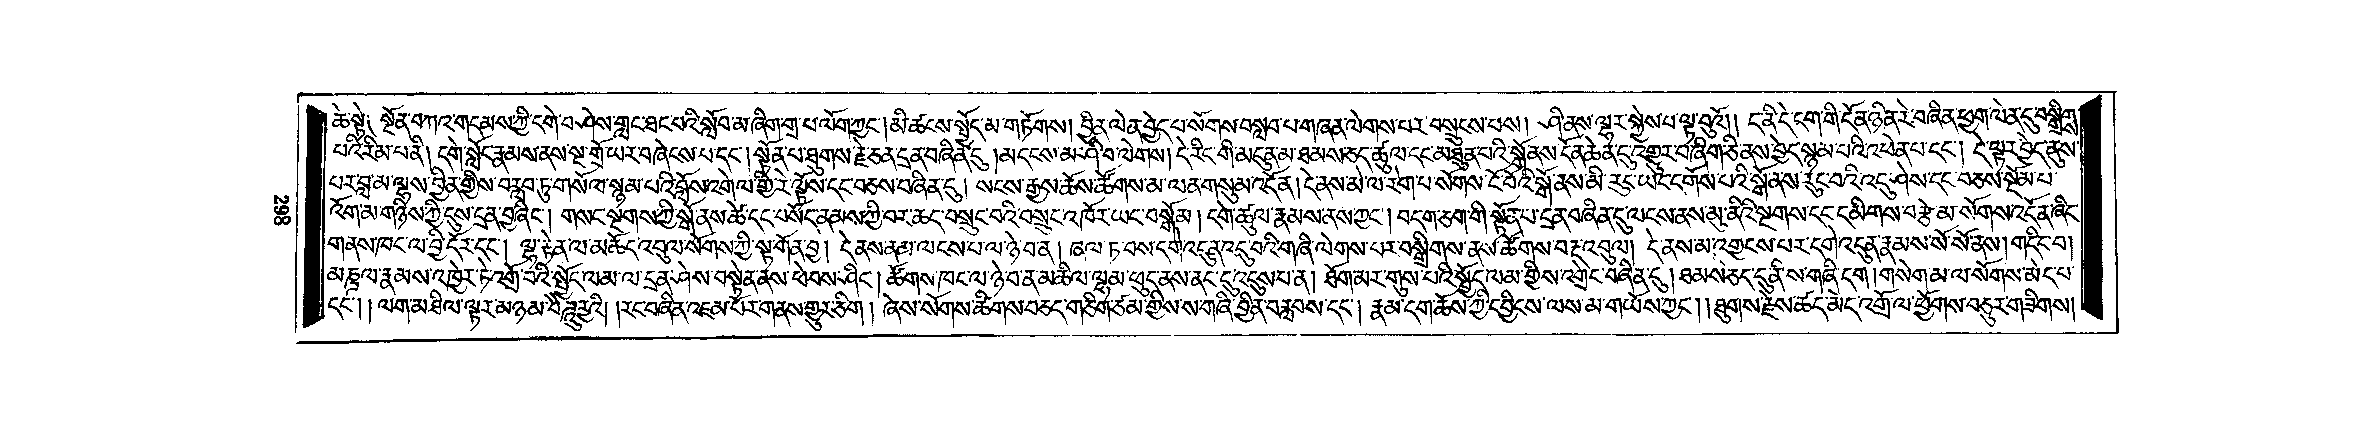ཆེ་སྟེ། སྔོན་བཀའ་གདམས་ཀྱི་དགེ་བཤེས་གླང་ཐང་པའི་སློབ་མ་ཞིག་གྲ་པ་ལོག་ཀྱང་། མི་ཚངས་སྤྱོད་མ་གཏོགས། བྱིན་ལེན་བྱེད་པ་སོགས་བསླབ་པ་གཞན་ལེགས་པར་བསྲུངས་པས། ཤི་ནས་ལྷར་སྐྱེས་པ་ལྟ་བུའོ། །ད་ནི་དེ་དག་གི་དོན་ཉིན་རེ་བཞིན་ཕྱག་ལེན་དུ་བསྒྲིགས་
པའི་རིམ་པ་ནི། དགེ་སློང་རྣམས་ནས་སྔ་གྲོ་ཡར་བཞེངས་པ་དང་། སྟོན་པ་ཐུགས་རྗེ་ཅན་དྲན་བཞིན་དུ། མདངས་མ་ཤི་བ་ལེགས། དེ་རིང་གི་མདུན་མ་ཐམས་ཅད་ཚུལ་དང་མཐུན་པའི་སྒོ་ནས་དོན་ཆེན་དུ་འགྱུར་བ་ཞིག་ཅི་ནས་བྱེད་སྙམ་པའི་འཕེན་པ་དང་། དེ་ལྟར་བྱེད་ནུས་
པར་བླ་མ་ལྷས་བྱིན་གྱིས་བརླབ་ཏུ་གསོལ་སྙམ་པའི་བློས་འགེལ་གྱི་རེ་ལྟོས་དང་བཅས་བཞིན་དུ། སངས་རྒྱས་ཆོས་ཚོགས་མ་ལན་གསུམ་འདོན། དེ་ནས་མེ་ལ་རེག་པ་སོགས་ངོ་བོའི་སྒོ་ནས་མི་རུང་ཡང་དགོས་པའི་སྒོ་ནས་རུང་བའི་འདུ་ཤེས་དང་བཅས་སྡོམ་པ་
འོག་མ་གཉིས་ཀྱི་དུས་དྲན་བྱ་ཞིང་། གསང་སྔགས་ཀྱི་སྒོ་ནས་ཚེ་དང་བསོད་ནམས་ཀྱི་བར་ཆད་བསྲུང་བའི་བསྲུང་འཁོར་ཡང་བསྒོམ། དགེ་ཚུལ་རྣམས་ནས་ཀྱང་། བདག་ཅག་གི་སྟོན་པ་དྲན་བཞིན་དུ་ལངས་ནས་མུ་ནིའི་སྔགས་དང་དམིགས་བརྩེ་མ་སོགས་འདོན་ཞིང་
གནས་ཁང་ལ་བྱི་དོར་དང་། ལྷ་རྟེན་ལ་མཆོད་འབུལ་སོགས་ཀྱི་སྟ་གོན་བྱ། དེ་ནས་ནམ་ལངས་པ་ལ་ཉེ་བ་ན། ཞལ་ཏ་བས་དགེ་འདུན་འདུ་བའི་གཞི་ལེགས་པར་བསྒྲིགས་ནས་ཚོགས་བརྡ་འབུལ། དེ་ནས་མ་འགྱངས་པར་དགེ་འདུན་རྣམས་སོ་སོ་ནས། གདིང་བ།
མཎྜལ་རྣམས་འཁྱེར་ཏེ་འགྲོ་བའི་སྤྱོད་ལམ་ལ་དྲན་ཤེས་བསྟེན་ནས་ཕེབས་ཤིང་། ཚོགས་ཁང་ལ་ཉེ་བ་ན་མཆིལ་ལྷམ་ཕུད་ནས་ནང་དུ་འདུས་པ་ན། ཐོག་མར་གུས་པའི་སྤྱོད་ལམ་གྱིས་འགྲེང་བཞིན་དུ། ཐམས་ཅད་དུ་ནི་ས་གཞི་དག །གསེག་མ་ལ་སོགས་མེད་པ་
དང་། ལག་མཐིལ་ལྟར་མཉམ་བཻཌཱུརྱའི། །རང་བཞིན་འཇམ་པོར་གནས་གྱུར་ཅིག །ཞེས་སོགས་ཚིགས་བཅད་གཅིག་ཙམ་གྱིས་ས་གཞི་བྱིན་བརླབས་དང་། རྣམ་དག་ཆོས་ཀྱི་དབྱིངས་ལས་མ་གཡོས་ཀྱང་། །ཐུགས་རྗེས་ཚད་མེད་འགྲོ་ལ་ཕྱོགས་བཅུར་གཟིགས།